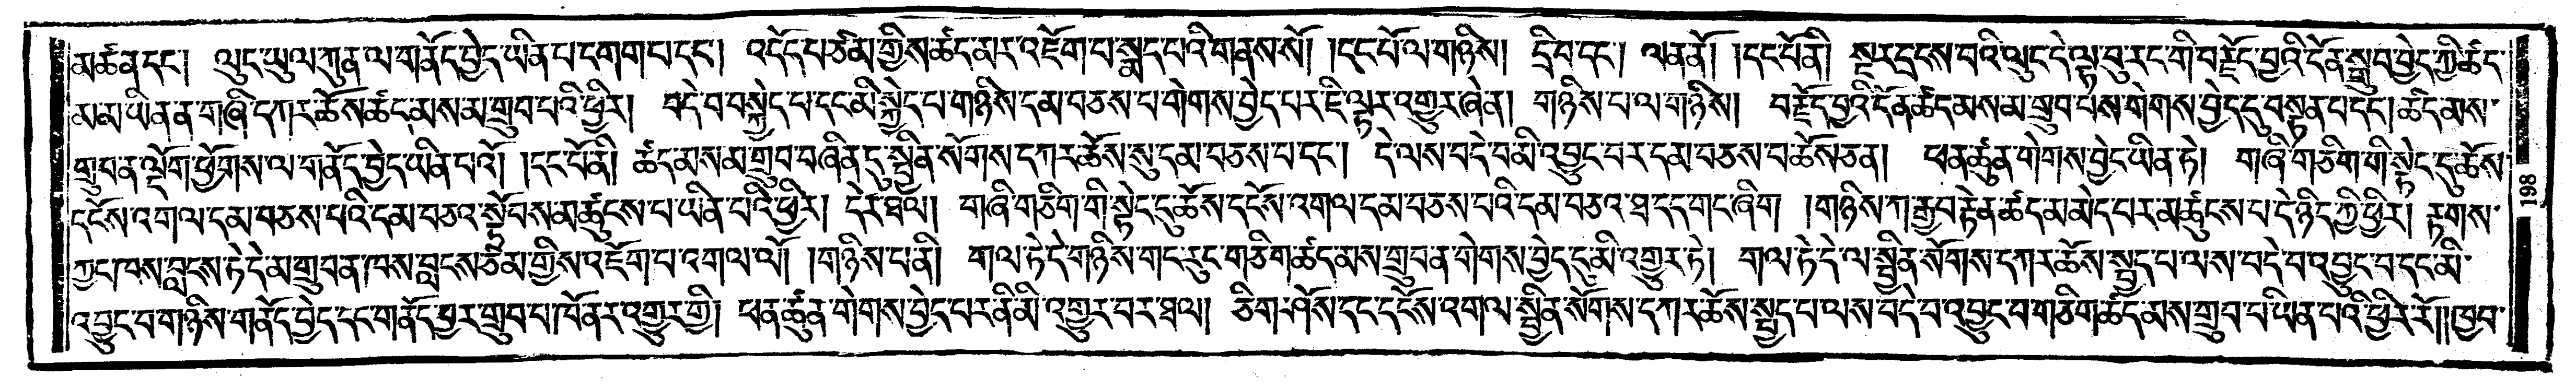མཚན་དང་། ལུང་ཡུལ་ཀུན་ལ་གནོད་བྱེད་ཡིན་པ་དགག་པ་དང་། འདོད་པ་ཙམ་གྱིས་ཚད་མར་འཇོག་པ་སྨད་པའི་གནས་སོ། །དང་པོ་ལ་གཉིས། དྲི་བ་དང་། ལན་ནོ། །དང་པོ་ནི། སྔར་དྲངས་པའི་ལུང་དེ་ལྟ་བུ་རང་གི་བརྗོད་བྱའི་དོན་སྒྲུབ་བྱེད་ཀྱི་ཚད་
མ་མ་ཡིན་ན་གཞི་དཀར་ཆོས་ཚད་མས་མ་གྲུབ་པའི་ཕྱིར། བདེ་བ་བསྐྱེད་པ་དང་མི་སྐྱེད་པ་གཉིས་དམ་བཅས་པ་གེགས་བྱེད་པར་ཇི་ལྟར་འགྱུར་ཞེ་ན། གཉིས་པ་ལ་གཉིས། བརྗོད་བྱའི་དོན་ཚད་མས་མ་གྲུབ་པས་གེགས་བྱེད་དུ་བསྟན་པ་དང་། ཚད་མས་
གྲུབ་ན་ལྡོག་ཕྱོགས་ལ་གནོད་བྱེད་ཡིན་པའོ། །དང་པོ་ནི། ཚད་མས་མ་གྲུབ་བཞིན་དུ་སྦྱིན་སོགས་དཀར་ཆོས་སུ་དམ་བཅས་པ་དང་། དེ་ལས་བདེ་བ་མི་འབྱུང་བར་དམ་བཅས་པ་ཆོས་ཅན། ཕན་ཚུན་གེགས་བྱེད་ཡིན་ཏེ། གཞི་གཅིག་གི་སྟེང་དུ་ཆོས་
དངོས་འགལ་དམ་བཅས་པའི་དམ་བཅའ་སྟོབས་མཚུངས་པ་ཡིན་པའི་ཕྱིར། དེར་ཐལ། གཞི་གཅིག་གི་སྟེང་དུ་ཆོས་དངོས་འགལ་དམ་བཅས་པའི་དམ་བཅའ་ཐ་དད་གང་ཞིག །གཉིས་ཀ་རྒྱབ་རྟེན་ཚད་མ་མེད་པར་མཚུངས་པ་དེ་ཉིད་ཀྱི་ཕྱིར། རྟགས་
ཀྱང་ཁས་བླངས་ཏེ་དེ་མ་གྲུབ་ན་ཁས་བླངས་ཙམ་གྱིས་འཇོག་པ་འགལ་ལོ། །གཉིས་པ་ནི། གལ་ཏེ་དེ་གཉིས་གང་རུང་གཅིག་ཚད་མས་གྲུབ་ན་གེགས་བྱེད་དུ་མི་འགྱུར་ཏེ། གལ་ཏེ་དེ་ལ་སྦྱིན་སོགས་དཀར་ཆོས་སྤྱད་པ་ལས་བདེ་བ་འབྱུང་བ་དང་མི་
འབྱུང་བ་གཉིས་གནོད་བྱེད་དང་གནོད་བྱར་གྲུབ་པ་ཁོ་ནར་འགྱུར་གྱི། ཕན་ཚུན་གེགས་བྱེད་པར་ནི་མི་འགྱུར་བར་ཐལ། ཅིག་ཤོས་དང་དངོས་འགལ་སྦྱིན་སོགས་དཀར་ཆོས་སྤྱད་པ་ལས་བདེ་བ་འབྱུང་པ་གཅིག་ཚད་མས་གྲུབ་པ་ཡིན་པའི་ཕྱིར་རོ། །ཁྱབ་